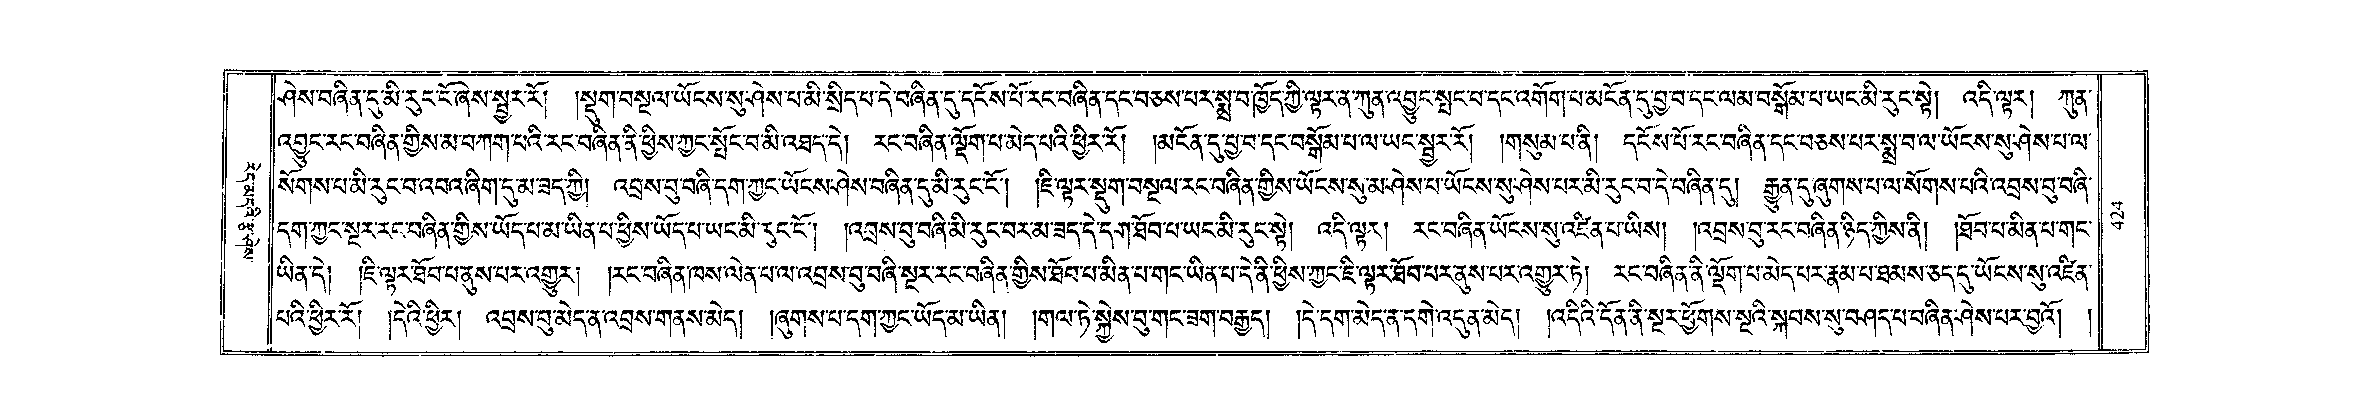ཤེས་བཞིན་དུ་མི་རུང་ངོ་ཞེས་སྦྱར་རོ། །སྡུག་བསྔལ་ཡོངས་སུ་ཤེས་པ་མི་སྲིད་པ་དེ་བཞིན་དུ་དངོས་པོ་རང་བཞིན་དང་བཅས་པར་སྨྲ་བ་ཁྱོད་ཀྱི་ལྟར་ན་ཀུན་འབྱུང་སྤང་བ་དང་འགོག་པ་མངོན་དུ་བྱ་བ་དང་ལམ་བསྒོམ་པ་ཡང་མི་རུང་སྟེ། འདི་ལྟར། ཀུན་
འབྱུང་རང་བཞིན་གྱིས་མ་བཀག་པའི་རང་བཞིན་ནི་ཕྱིས་ཀྱང་སྤོང་བ་མི་འཐད་དེ། རང་བཞིན་ལྡོག་པ་མེད་པའི་ཕྱིར་རོ། །མངོན་དུ་བྱ་བ་དང་བསྒོམ་པ་ལ་ཡང་སྦྱར་རོ། །གསུམ་པ་ནི། དངོས་པོ་རང་བཞིན་དང་བཅས་པར་སྨྲ་བ་ལ་ཡོངས་སུ་ཤེས་པ་ལ་
སོགས་པ་མི་རུང་བ་འབའ་ཞིག་དུ་མ་ཟད་ཀྱི། འབྲས་བུ་བཞི་དག་ཀྱང་ཡོངས་ཤེས་བཞིན་དུ་མི་རུང་ངོ། །ཇི་ལྟར་སྡུག་བསྔལ་རང་བཞིན་གྱིས་ཡོངས་སུ་མ་ཤེས་པ་ཡོངས་སུ་ཤེས་པར་མི་རུང་བ་དེ་བཞིན་དུ། རྒྱུན་དུ་ཞུགས་པ་ལ་སོགས་པའི་འབྲས་བུ་བཞི་
དག་ཀྱང་སྔར་རང་བཞིན་གྱིས་ཡོད་པ་མ་ཡིན་པ་ཕྱིས་ཡོད་པ་ཡང་མི་རུང་ངོ། །འབྲས་བུ་བཞི་མི་རུང་བར་མ་ཟད་དེ་དག་ཐོབ་པ་ཡང་མི་རུང་སྟེ། འདི་ལྟར། རང་བཞིན་ཡོངས་སུ་འཛིན་པ་ཡིས། །འབྲས་བུ་རང་བཞིན་ཉིད་ཀྱིས་ནི། །ཐོབ་པ་མིན་པ་གང་
ཡིན་དེ། །ཇི་ལྟར་ཐོབ་པ་ནུས་པར་འགྱུར། །རང་བཞིན་ཁས་ལེན་པ་ལ་འབྲས་བུ་བཞི་སྔར་རང་བཞིན་གྱིས་ཐོབ་པ་མིན་པ་གང་ཡིན་པ་དེ་ནི་ཕྱིས་ཀྱང་ཇི་ལྟར་ཐོབ་པར་ནུས་པར་འགྱུར་ཏེ། རང་བཞིན་ནི་ལྡོག་པ་མེད་པར་རྣམ་པ་ཐམས་ཅད་དུ་ཡོངས་སུ་འཛིན་
པའི་ཕྱིར་རོ། །དེའི་ཕྱིར། འབྲས་བུ་མེད་ན་འབྲས་གནས་མེད། །ཞུགས་པ་དག་ཀྱང་ཡོད་མ་ཡིན། །གལ་ཏེ་སྐྱེས་བུ་གང་ཟག་བརྒྱད། །དེ་དག་མེད་ན་དགེ་འདུན་མེད། །འདིའི་དོན་ནི་སྔར་ཕྱོགས་སྔའི་སྐབས་སུ་བཤད་པ་བཞིན་ཤེས་པར་བྱའོ། །